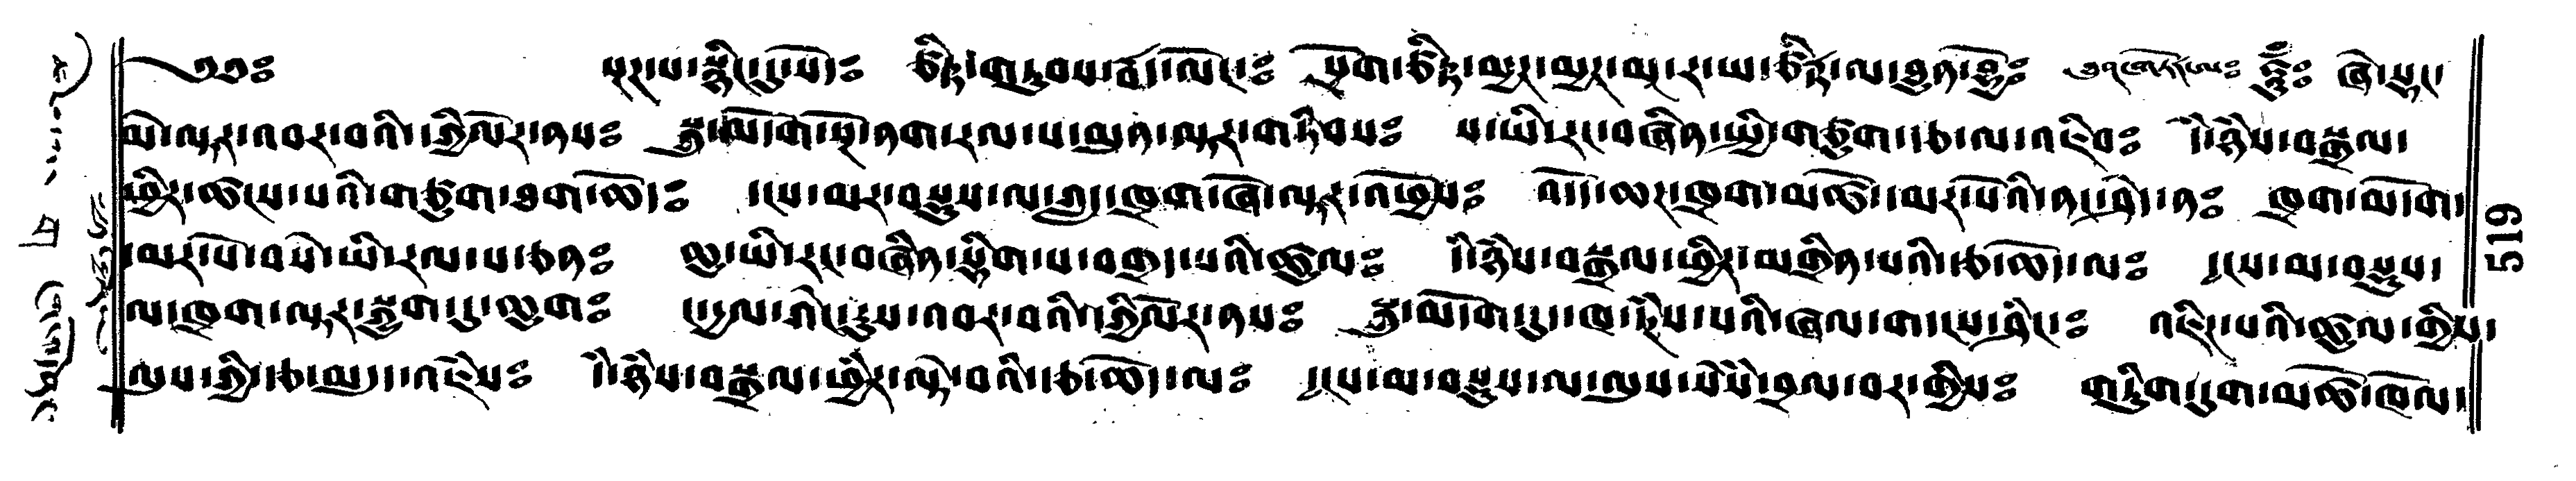སྔགས་པ་སྙིང་དུ་སོདཿ ཙིཏྟ་གཏུབས་རྦད་ལོངཿ སྲོག་ཙིཏྟ་མྱགས་མྱགས་མཱ་ར་ཡ་ཙིཏྟ་ལ་ཐུན་བྷྱོཿ ཐུན་གཏོར་ལ། ཧཱུྃ༔ ཞེ་སྡང་
མེ་ལྟར་འབར་བའི་དཀྱིལ་འཁོར་ནས༔ སྐུ་མདོག་སྔོ་ནག་རལ་པ་མུན་ལྟར་གཏིབས༔ ས་ཡི་རང་བཞིན་སྤྱི་གཙུག་རྩ་ལ་འཇིབས༔ དམ་ཉམས་སྒྲོལ་
ཕྱིར་ཚངས་པའི་གཙུག་ཐག་ཆོད༔ དྭངས་མར་བསྡུས་ལ་ཀླད་ཁྲག་ཞོ་ལྟར་འཕྱོས༔ འདོད་ཆགས་ཁྲག་མཚོ་དམར་པོའི་ནང་ཤེད་ན༔ ཁྲག་མདོག་
དམར་པོ་བསེ་ཡི་རལ་པ་ཅན༔ ཆུ་ཡི་རང་བཞིན་སྡིག་པ་བགྲད་པའི་ཚུལ༔ དམ་ཉམས་སྒྲོལ་ཕྱིར་མགྲིན་པའི་རྩ་ཆོད་ལ༔ དྭངས་མ་བསྡུས་
ལ་ཁྲག་ལྟར་སྐྱུག་ཏུ་ཆུགས༔ ང་རྒྱལ་ཀེང་རུས་འབར་བའི་དཀྱིལ་འཁོར་ནས༔ སྐུ་མདོག་དུད་ཁ་རྔམ་པའི་ཞལ་གདངས་ཤིང༔ འཇིགས་པའི་ཚུལ་གྱིས་
ལུས་ཀྱི་རྩ་མདུད་འཇོམས༔དམ་ཉམས་སྒྲོལ་ཕྱིར་ལྟེ་བའི་རྩ་ཆོད་ལ༔ དྭངས་མ་བསྡུས་ལ་ལུས་སེམས་བྲལ་བར་གྱིས༔ གཏི་མུག་དུག་མཚོ་ཁོལ